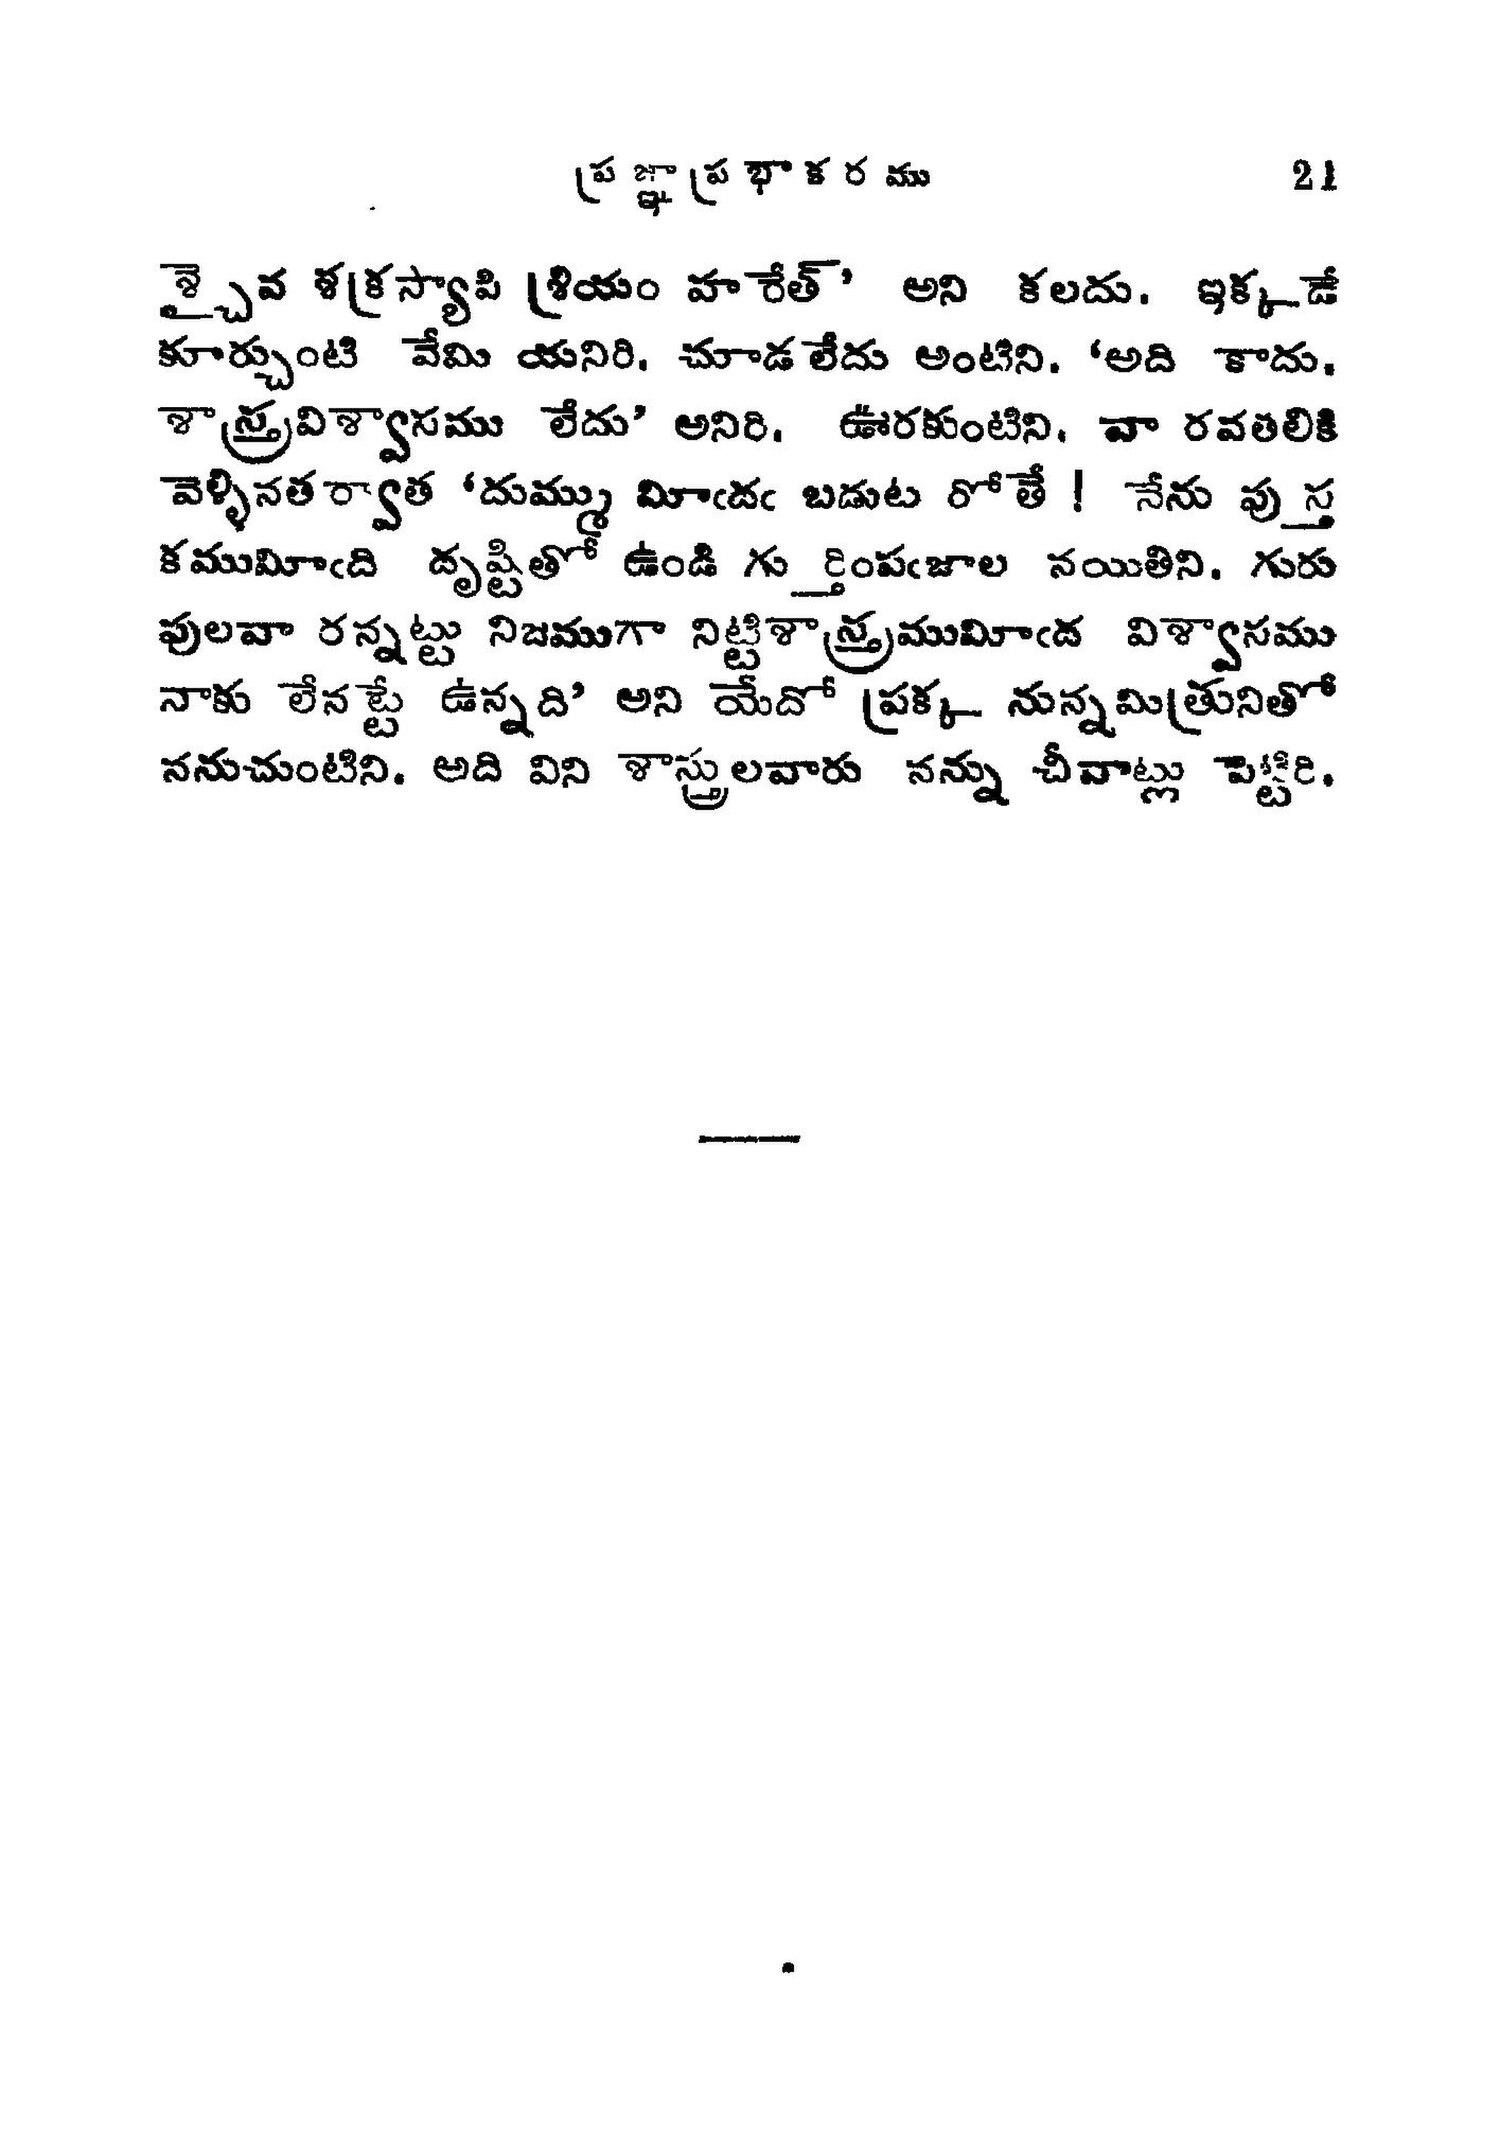శ్చైవ శక్రస్యాపి శ్రియం హరేత్' అని కలదు. ఇక్కడే కూర్చుంటి వేమి యనిరి. చూడలేదు అంటిని.' అది కాదు. శాస్త్రవిశ్వాసము లేదు' అనిరి. ఊరకుంటిని. వా రవతలికి వెళ్ళిన తర్వాత ' దుమ్ము మిఁదఁ బడుట రోతే! నేను పుస్తకముమీది దృష్టితో ఉండి గుర్తింపఁజాల నయితిని. గురువులవా రన్నట్టు నిజముగా నిట్టి శాస్త్రము మీద విశ్వాసము నాకు లేనట్టే ఉన్నది' అని యేదో ప్రక్కనున్న మిత్రునితో ననుచుంటిని. అది విని శాస్త్రులవారు నన్ను చీవాట్లు పెట్టిరి.